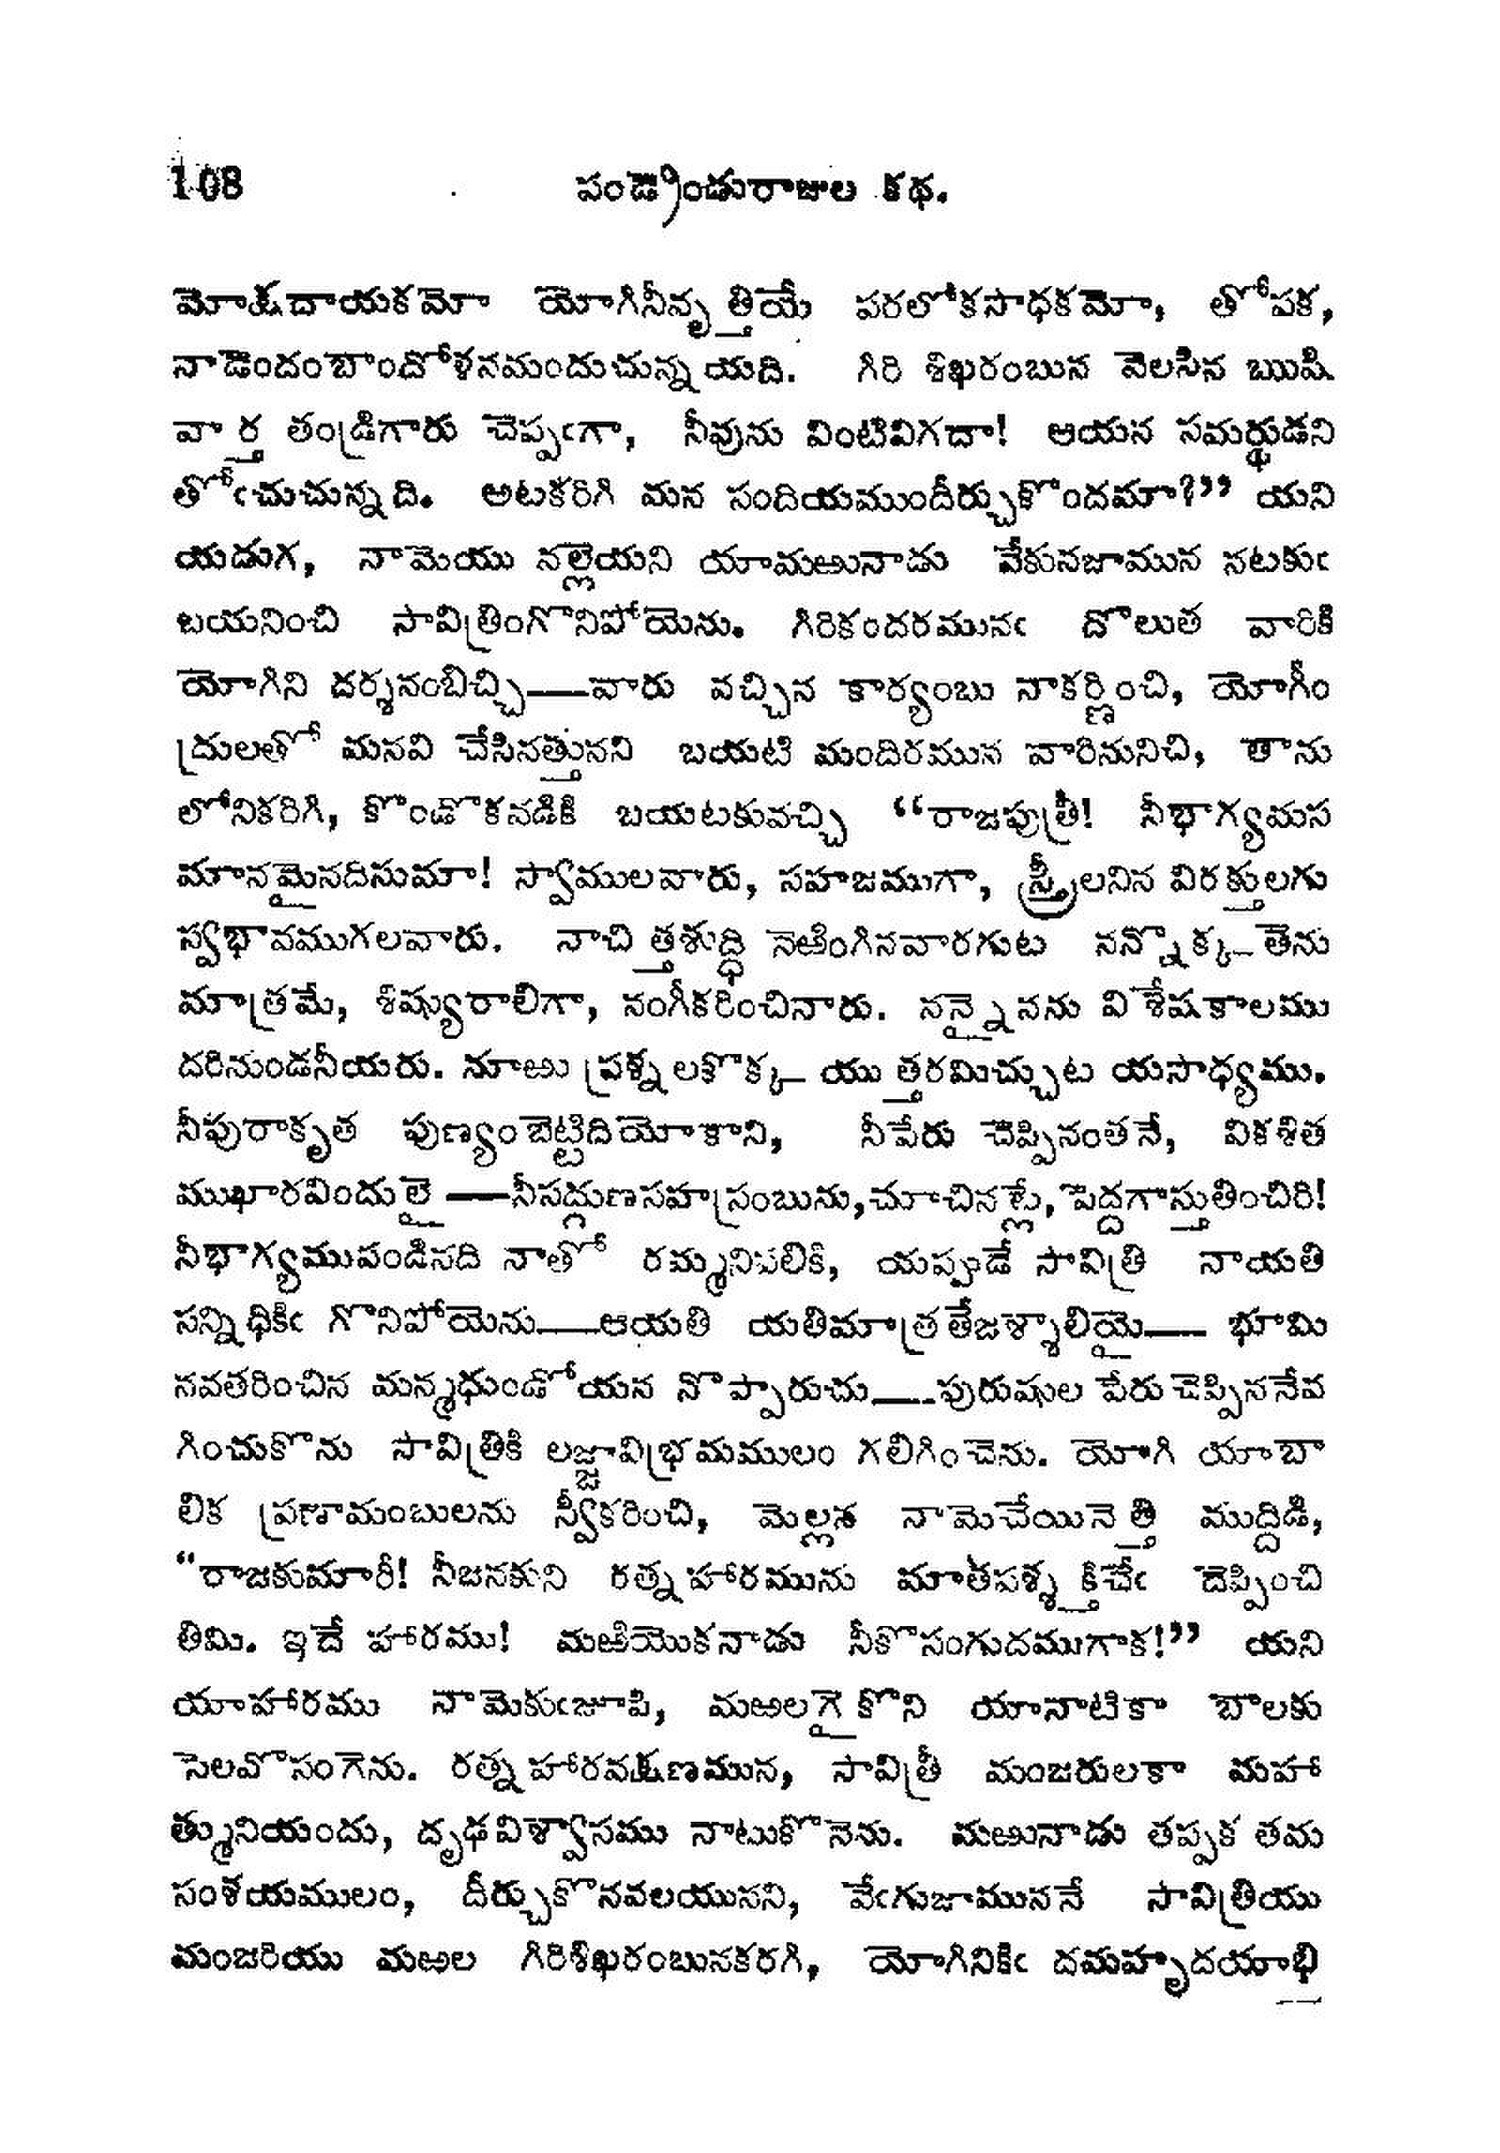మోక్షదాయకమో యోగినీవ్రుత్తియే పరలోక సాధకమో, తోపక నాడెందం బాందోళనమందుచున్నయది. గిరి శిఖరంబున వెలసిన ఋషి వార్త తండ్రిగారు చెప్పఁగా, నీవును వింటివిగదా! ఆయన సమర్థుడని తోఁచుచున్నది. అటకరిగి మన సందియముందీర్చుకోందమా?" యని యడుగ, నామెయు వల్లేయని యామఱునాడు వేకువజామున నటకు బయనించి సావిత్రింగొనిపోయెను. గిరికందరమునఁ దొలుత వారికి యోగిని దర్శనంబిచ్చి—— వారు వచ్చిన కార్యంబు నాకర్ణించి, యోగీం
ద్రులలో మనవి చేసివత్తునని బయటి మందిరమున వారినునిచి, తాను లోనికరిగి, కొండొకవడికి బయటకువచ్చి “రాజపుత్రీ! నీభాగ్యమసమానమైనది సుమా! స్వాములవారు, సహజముగా, స్త్రీలనిన విరక్తులగు స్వభావముగలవారు. నాచిత్తశుద్ధి నెటీంగినవారగుట నన్నొక్కతెను మాత్రమే, శిష్యురాలిగా, నంగీకరించినారు. నన్నైనను విశేషకాలము
దరినుండనీయరు. నూఱు ప్రశ్నలకొక్క యుత్తరమిచ్చుట యసాధ్యము, నీ పురాకృత పుణ్యం బెట్టిదియో కాని, నీ పేరు చెప్పినంతనే, వికశిత ముఖారవిందులై——నీ సద్గుణ సహస్రంబును, చూచినట్లే, పెద్దగాస్తుతించిరి! నీ భాగ్యముపండినది నాతో రమ్మని పలికి, యప్పుడే సావిత్రి నాయతి సన్నిధికిఁ గొనిపోయెను.—— ఆయతి యతిమాత్ర తేజశ్శాలియై—— భూమి
నవతరించిన మన్మధుండోయన నొప్పారుచు—— పురుషుల పేరు చెప్పిననేవగించుకొను సావిత్రికి లజ్జావిభ్రమములం గలిగించెను. యోగి యాబాలిక ప్రణామంబులను స్వీకరించి, మెల్లన నామెచేయినెత్తి ముద్దిడి, "రాజకుమారీ! నీజనకుని రత్నహారమును మాతపశ్శక్తిచే దెప్పించితిమి. ఇదే హారము! మఱియొకనాడు నీకొసంగుదముగాక!" యని యాహారము నామెకుఁజూపి, మఱలగైకొని యానాటికా బాలకు సెలవొసంగెను. రత్నహారవక్షణమున, సావిత్రీ మంజరులకా మహాత్ముని యందు, దృఢ విశ్వాసము నాటుకొనెను. మఱునాడు తప్పక తమ సంశయములం, దీర్చుకొనవలయునని, వేఁగుజాముననే సావిత్రియు మంజరియు మఱల గిరిశిఖరంబునకరగి, యోగినికిఁ దమహృదయాభి